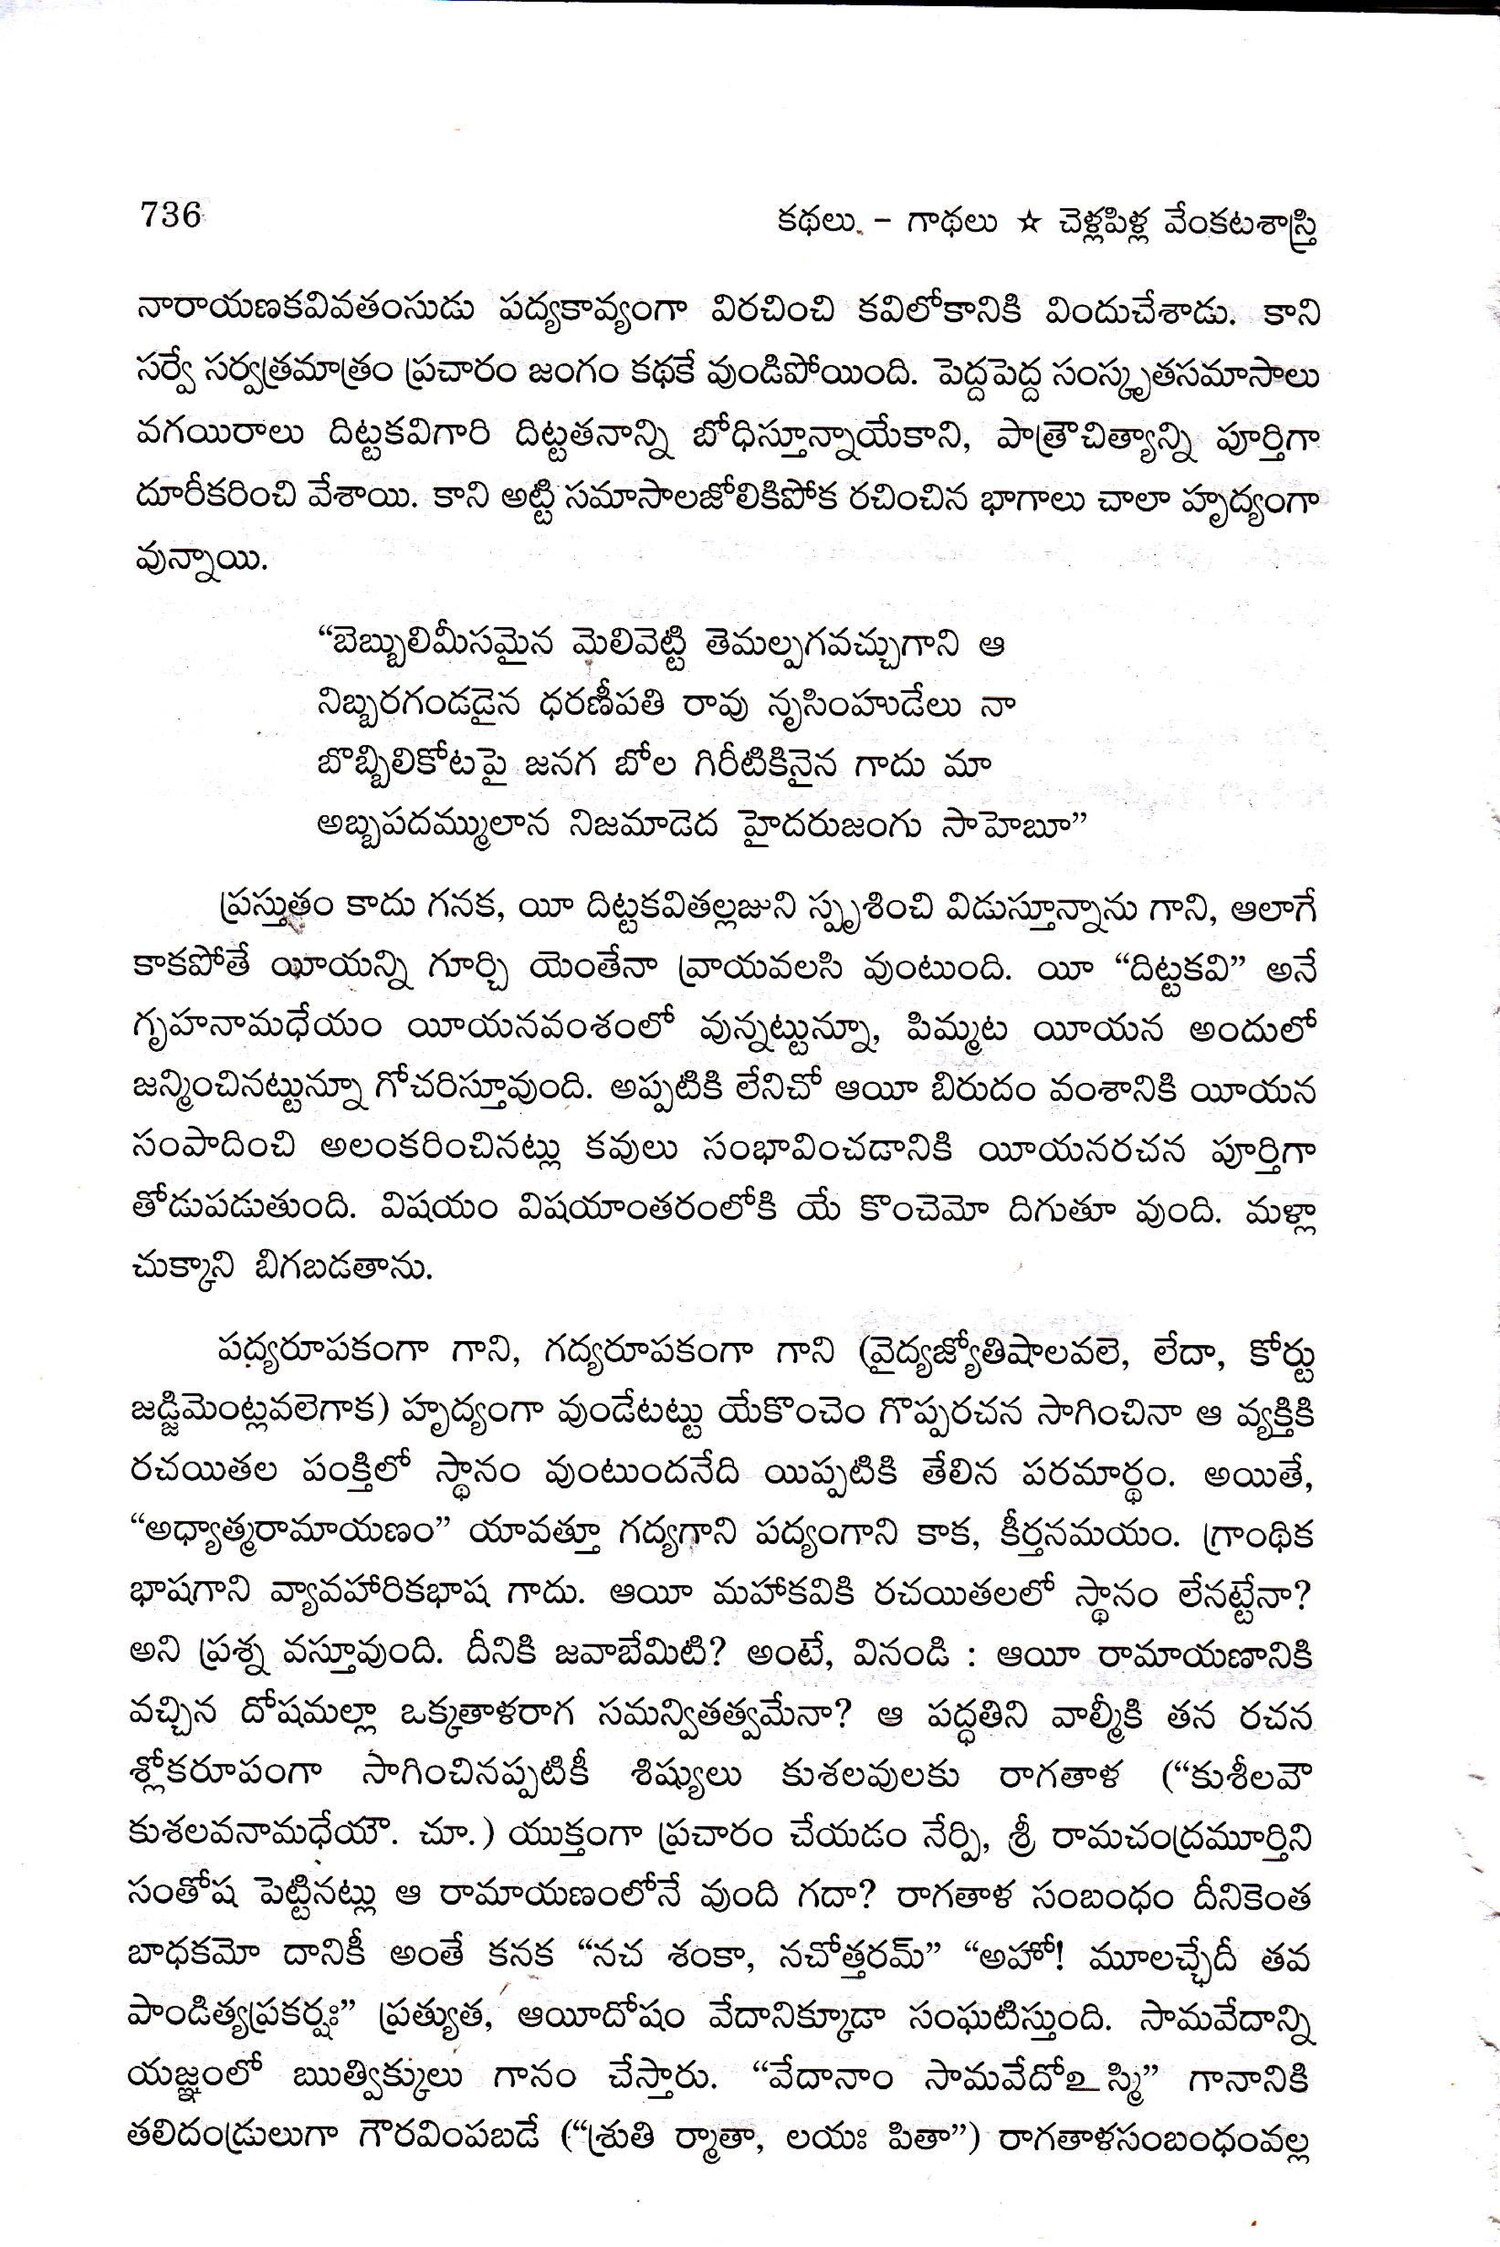నారాయణకవివతంసుడు పద్యకావ్యంగా విరచించి కవిలోకానికి విందుచేశాడు. కాని సర్వే సర్వత్రమాత్రం ప్రచారం జంగం కథకే వుండిపోయింది. పెద్దపెద్ద సంస్కృతసమాసాలు వగయిరాలు దిట్టకవిగారి దిట్టతనాన్ని బోధిస్తూన్నాయేకాని, పాత్రౌచిత్యాన్ని పూర్తిగా దూరీకరించి వేశాయి. కాని అట్టి సమాసాలజోలికిపోక రచించిన భాగాలు చాలా హృద్యంగా వున్నాయి. -

"బెబ్బులిమీసమైన మైలివెట్టి తెమల్పగవచ్చుగాని ఆ 
 నిబ్బరగండడైన ధరణీపతి రావు నృసింహుడేలు నా 
 బొబ్బిలికోటపై జనగ బోల గిరీటికినైన గాదు మా 
 అబ్బపదమ్ములాన నిజమాడెద హైదరుజంగు సాహెబూ”
ప్రస్తుత్తం కాదు గనక, యీ దిట్టకవితల్లజుని స్పృశించి విడుస్తూన్నాను గాని, ఆలాగే కాకపోతే యీయన్ని గూర్చి యెంతేనా వ్రాయవలసి వుంటుంది. యీ “దిట్టకవి" అనే గృహనామధేయం యీయనవంశంలో వున్నట్టున్నూ పిమ్మట యీయన అందులో జన్మించినట్టున్నూ గోచరిస్తూవుంది. అప్పటికి లేనిచో ఆయీ బిరుదం వంశానికి యీయన సంపాదించి అలంకరించినట్లు కవులు సంభావించడానికి యీయనరచన పూర్తిగా తోడుపడుతుంది. విషయం విషయాంతరంలోకి యే కొంచెమో దిగుతూ వుంది. మళ్లా చుక్కాని బిగబడతాను.

పద్యరూపకంగా గాని, గద్యరూపకంగా గాని (వైద్యజ్యోతిషాలవలె, లేదా, కోర్టు జడ్జిమెంట్లవలెగాక) హృద్యంగా వుండేటట్టు యేకొంచెం గొప్పరచన సాగించినా ఆ వ్యక్తికి రచయితల పంక్తిలో స్థానం వుంటుందనేది యిప్పటికి తేలిన పరమార్థం. అయితే, “అధ్యాత్మరామాయణం" యావత్తూ గద్యగాని పద్యంగాని కాక, కీర్తనమయం. గ్రాంథిక భాషగాని వ్యావహారికభాష గాదు. ఆయీ మహాకవికి రచయితలలో స్థానం లేనట్టేనా? అని ప్రశ్న వస్తూవుంది. దీనికి జవాబేమిటి? అంటే, వినండి : ఆయీ రామాయణానికి వచ్చిన దోషమల్లా ఒక్కతాళరాగ సమన్వితత్వమేనా? ఆ పద్ధతిని వాల్మీకి తన రచన శ్లోకరూపంగా సాగించినప్పటికీ శిష్యులు కుశలవులకు రాగతాళ (“కుశీలవౌ కుశలవనామధేయౌ. చూ.) యుక్తంగా ప్రచారం చేయడం నేర్పి, శ్రీ రామచంద్రమూర్తిని సంతోష పెట్టినట్లు ఆ రామాయణంలోనే వుంది గదా? రాగతాళ సంబంధం దీనికెంత బాధకమో దానికీ అంతే కనక “నచ శంకా, నచోత్తరమ్” “అహో! మూలచ్ఛేదీ తవ పాండిత్యప్రకర్ష" ప్రత్యుత, ఆయిదోషం వేదానిక్కూడా సంఘటిస్తుంది. సామవేదాన్ని యజ్ఞంలో ఋత్విక్కులు గానం చేస్తారు. “వేదానాం సామవేదో౽స్మి" గానానికి తలిదండ్రులుగా గౌరవింపబడే (“శ్రుతి ర్మాతా, లయః పితా") రాగతాళసంబంధంవల్ల